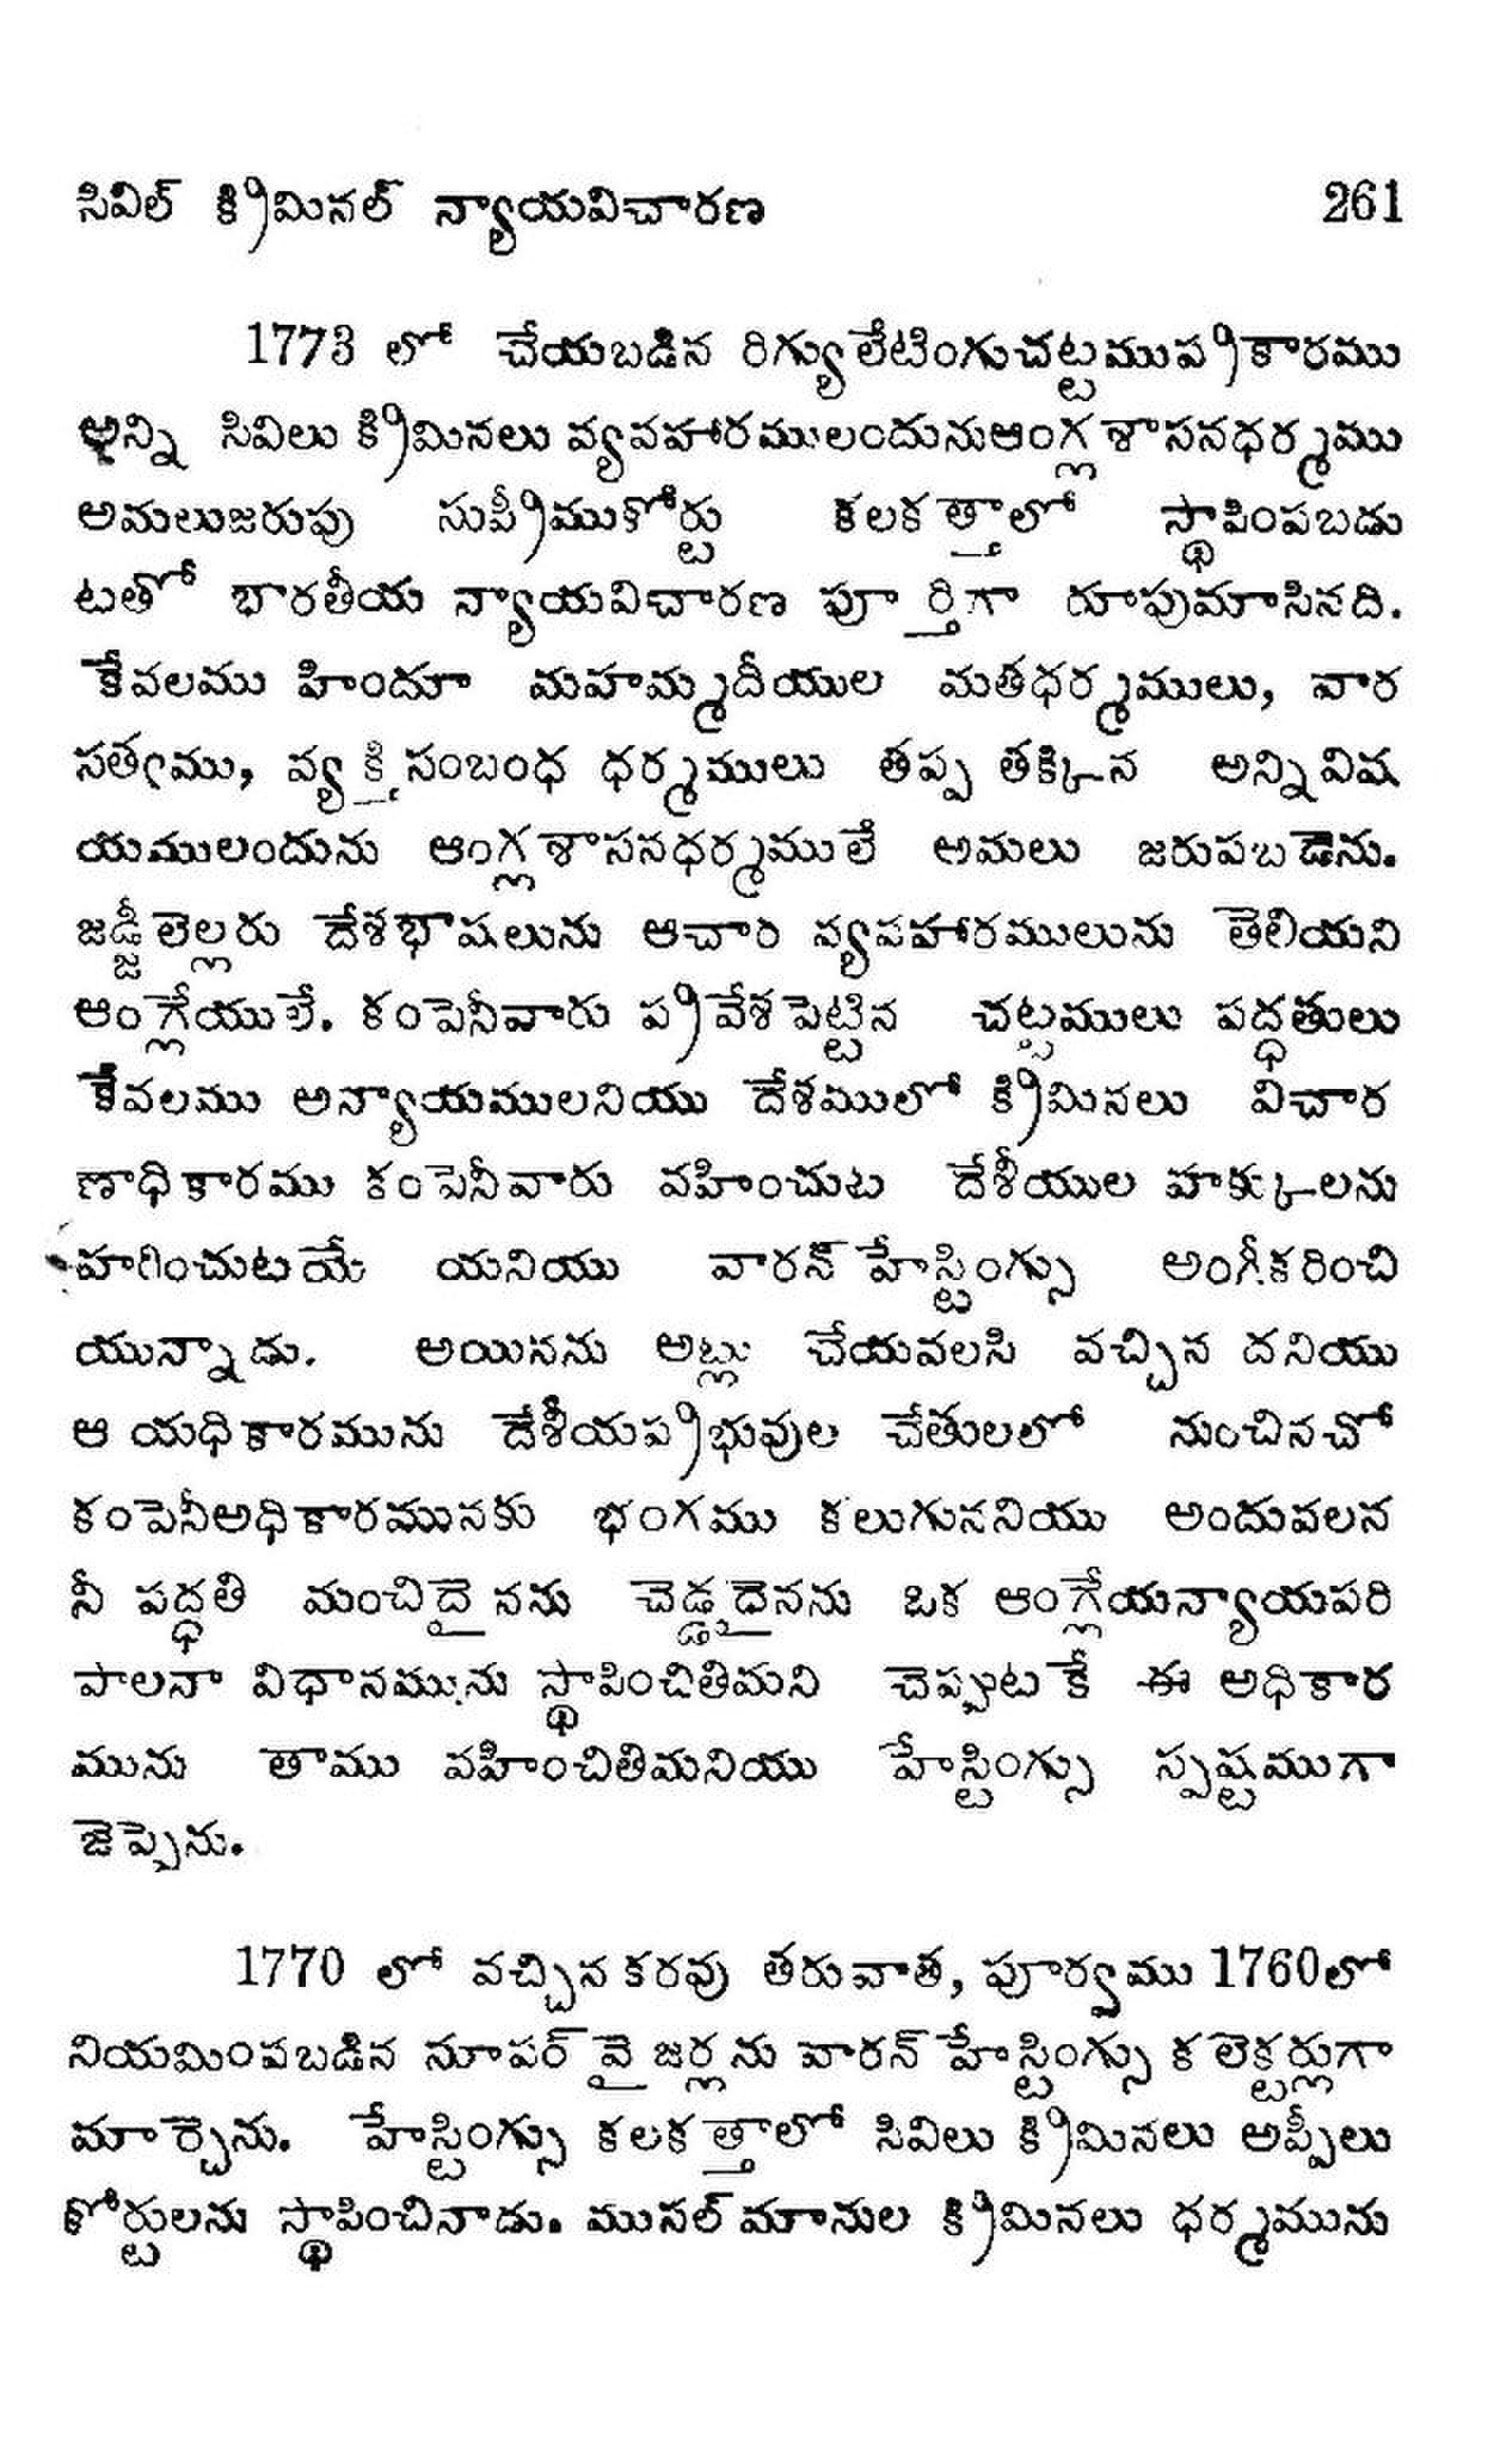1773 లో చేయబడిన రిగ్యులేటింగుచట్టముప్రకారము అన్ని సివిలు క్రిమినలు వ్యవహారములందును ఆంగ్లశాసన ధర్మము అమలుజరుపు సుప్రీముకోర్టు కలకత్తాలో స్థాపింపబడుటతో భారతీయ న్యాయవిచారణ పూర్తిగా రూపుమాసినది. కేవలము హిందూ మహమ్మదీయుల మతధర్మములు, వారసత్వము, వ్యక్తిసంబంధ ధర్మములు తప్ప తక్కిన అన్నివిషయములందును ఆంగ్ల శాసనధర్మములే అమలు జరుపబడెను. జడ్జీలెల్లరు దేశభాషలును ఆచార వ్యవహారములును తెలియని ఆంగ్లేయులే. కంపెనీవారు ప్రవేశపెట్టిన చట్టములు పద్దతులు కేవలము అన్యాయములనియు దేశములో క్రిమినలు విచారణాధికారము కంపెనీవారు వహించుట దేశీయుల హక్కులను హరించుటయే యనియు వారన్ హేస్టింగ్సు అంగీకరించి యున్నాడు. అయినను అట్లు చేయవలసి వచ్చిన దనియు ఆ యధికారమును దేశీయప్రభువుల చేతులలో నుంచినచో కంపెనీఅధికారమునకు భంగము కలుగుననియు అందువలన
నీ పద్దతి మంచిదైనను చెడ్డదైనను ఒక ఆంగ్లేయన్యాయపరిపాలనా విధానమును స్థాపించితిమని చెప్పుటకే ఈ అధికారమును తాము వహించితిమనియు హేస్టింగ్సు స్పష్టముగా జెప్పెను.

1770 లో వచ్చిన కరవు తరువాత, పూర్వము 1760లో నియమింపబడిన సూపర్ వైజర్లను వారన్ హేస్టింగ్సు కలెక్టర్లుగా మార్చెను. హేస్టింగ్సు కలకత్తాలో సివిలు క్రిమినలు అప్పీలు కోర్టులను స్థాపించినాడు. ముసల్ మానుల క్రిమినలు ధర్మమును